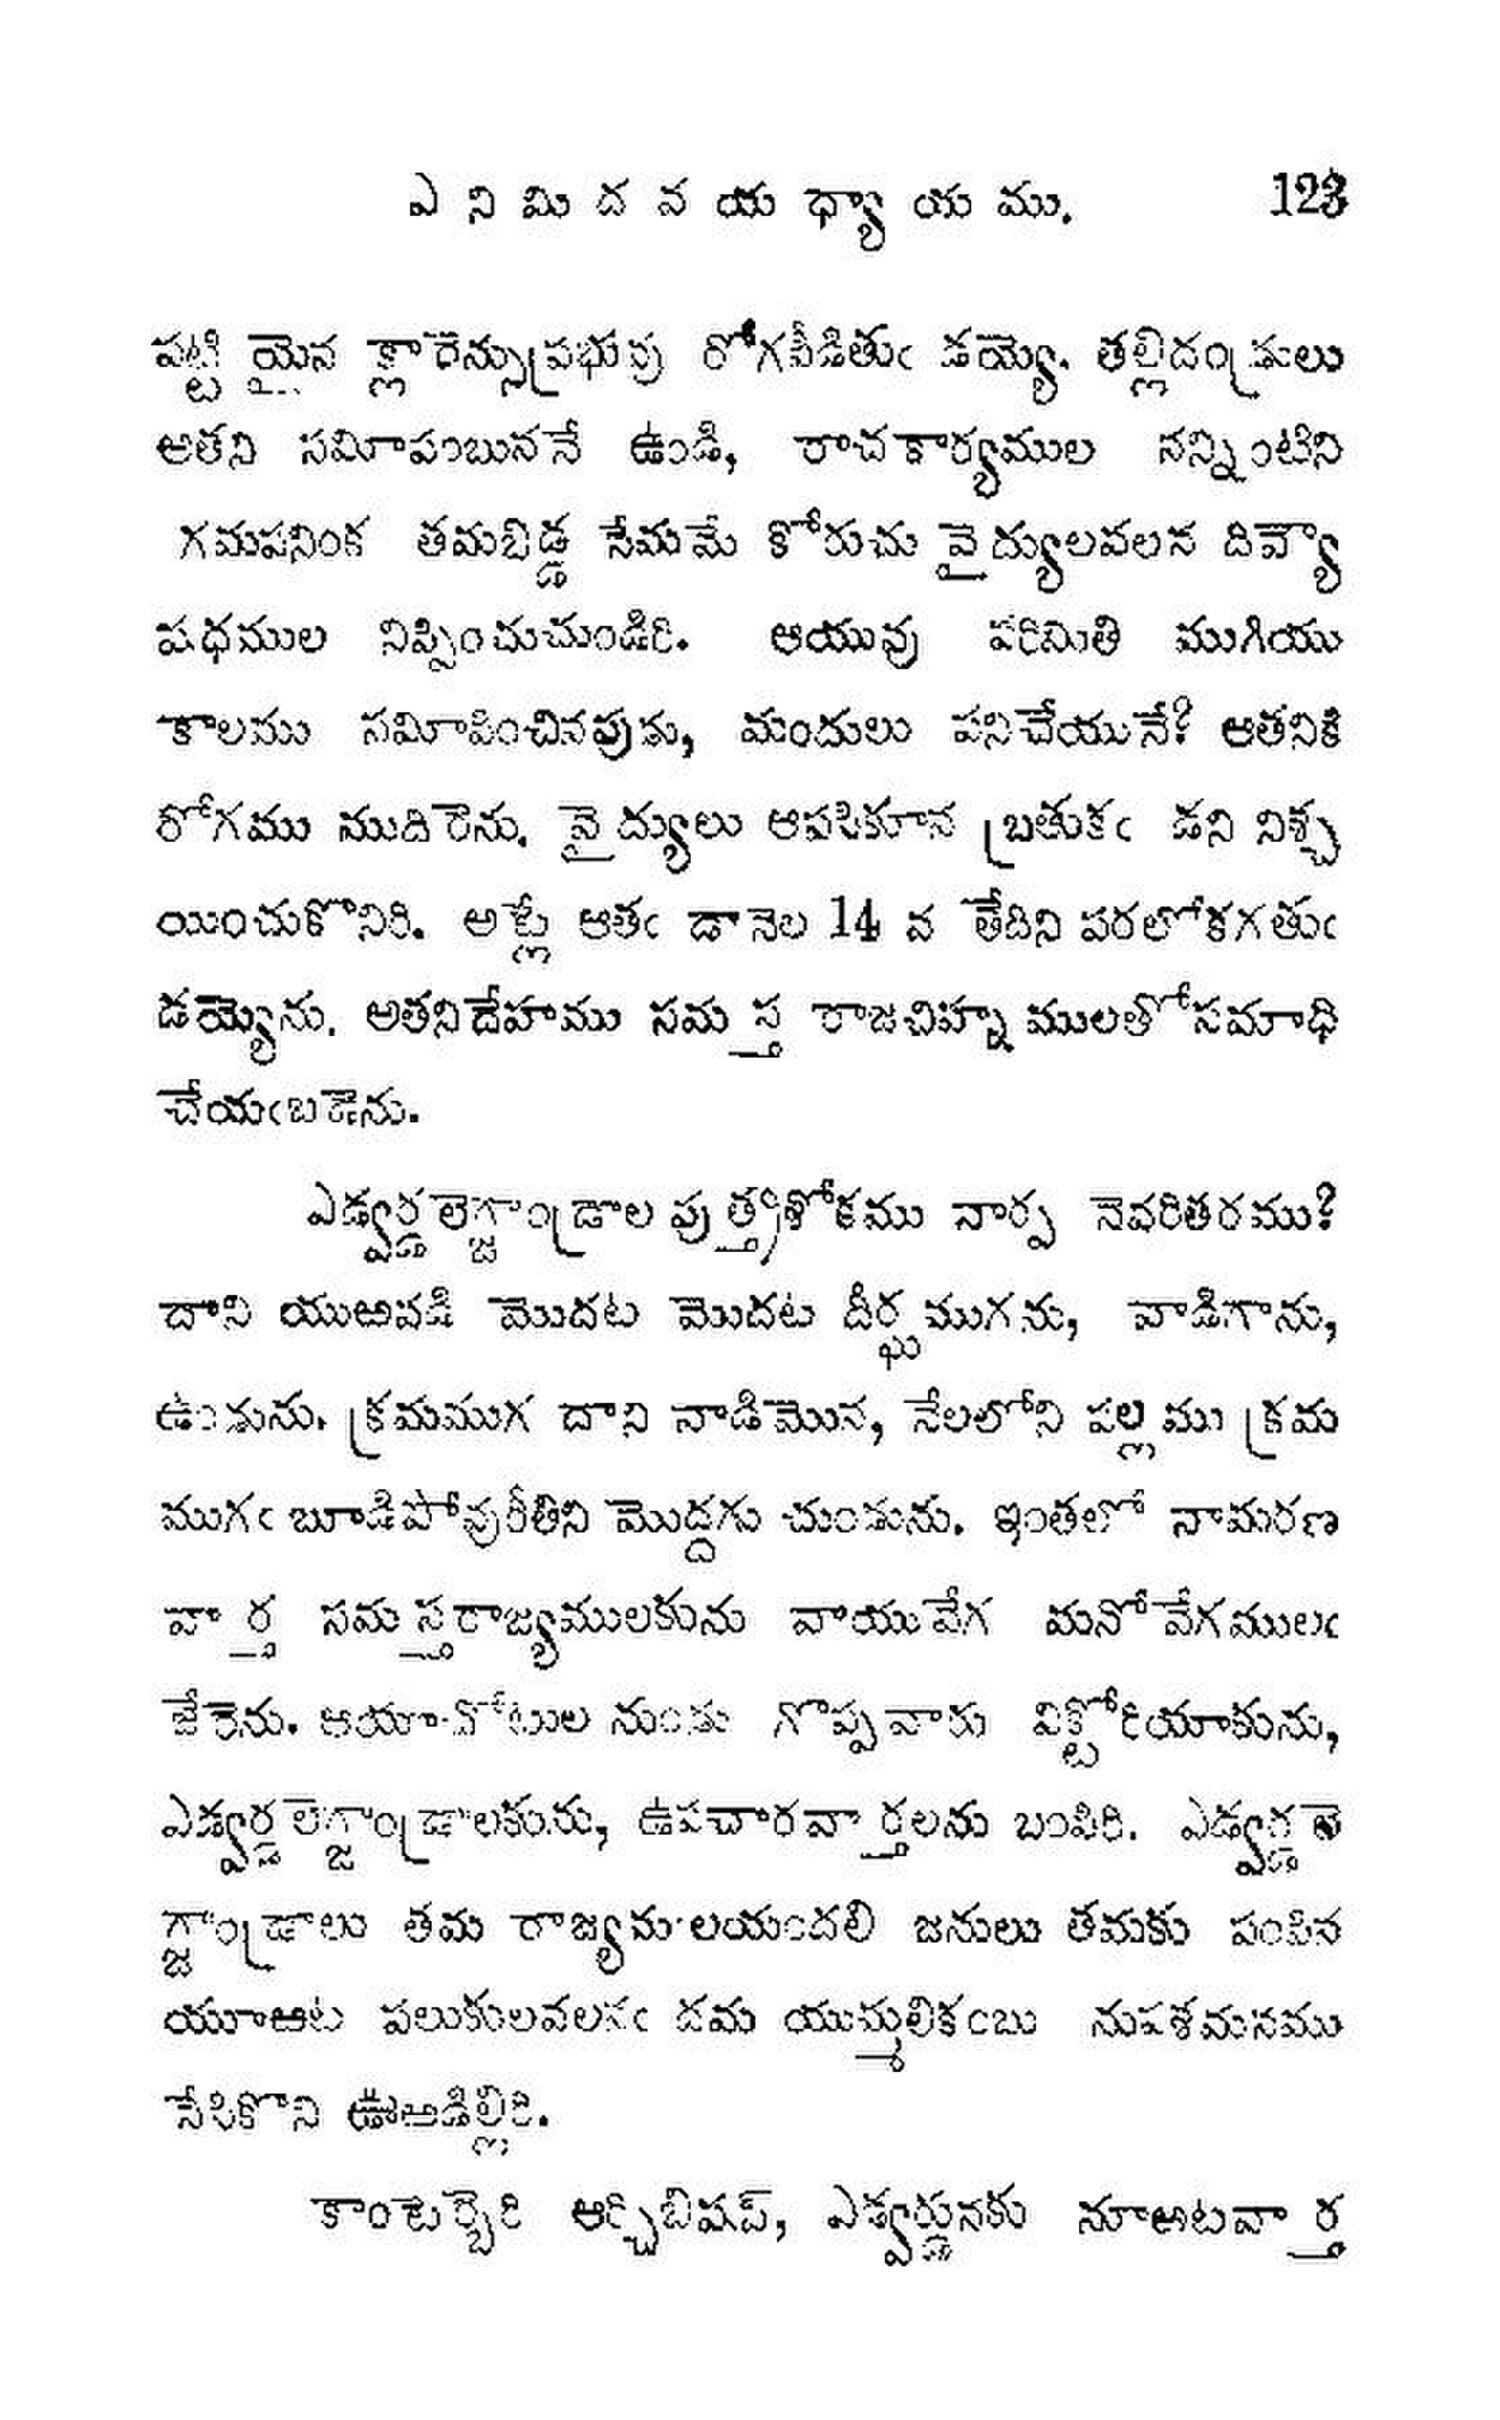పట్టి యైన క్లారెన్సు ప్రభువు రోగ పీడితుఁ డయ్యె, తల్లిదండ్రులు అతని సమీపంబుననే ఉండి, రాచ కార్యముల నన్నింటిని గమనింపక తమబిడ్డ సేమమే కోరుచు వైద్యులవలన దీవ్యౌ షధముల నిప్పించు చుండిరి. ఆయువు పరిమితి ముగియు కాలము సమీపించి నపుడు, మందులు పనిచేయునే? అతనికి రోగము ముదిరెను. వైద్యులు ఆపసి కూన బ్రతుకఁ డని నిశ్చ యించుకొనిరి. అట్లే ఆతఁ డా నెల 14 వ తేదీని పరలోకగతుఁ డయ్యెను. అతని దేహము సమస్త రాజు చిహ్నములతో సమాధి చేయఁబడెను.

ఎడ్వర్డ లెగ్జాండ్రాల పుత్ర శోకము నార్ప నెవరితరము? దాని యురవడి. "మొదట మొదట దీర్ఘముగను, వాడిగాను, ఉండును. క్రమముగ దాని వాడి మొన, నేలలోని పల్లము క్రమ ముగఁ బూడిపోవు రీతిని మొద్దగు చుండును. ఇంతలో నామరణ వార్త సమస్తరాజ్యములకును వాయు వేగ మనో వేగములు జేరెను. ఆయాచోటుల నుకు గొప్ప వారు. విక్టోరియాకును, ఎక్వర్ణ లెగ్జాండ్రా లకును, ఉపచార వార్తలను బంపిరి. ఎడ్వర్డలె గ్జాండ్రాలు తమ రాజ్యము లయందలి జనులు తమకు పంపిన యూరట పలుకులవలనఁ దమ యుమ్మలికంబు నుపశమనము సేసికొని ఊఱడిల్లిరి..

కాంటెర్బెరి ఆర్చిబిషప్, ఎడ్వర్ణునకు నూఱట వార్త